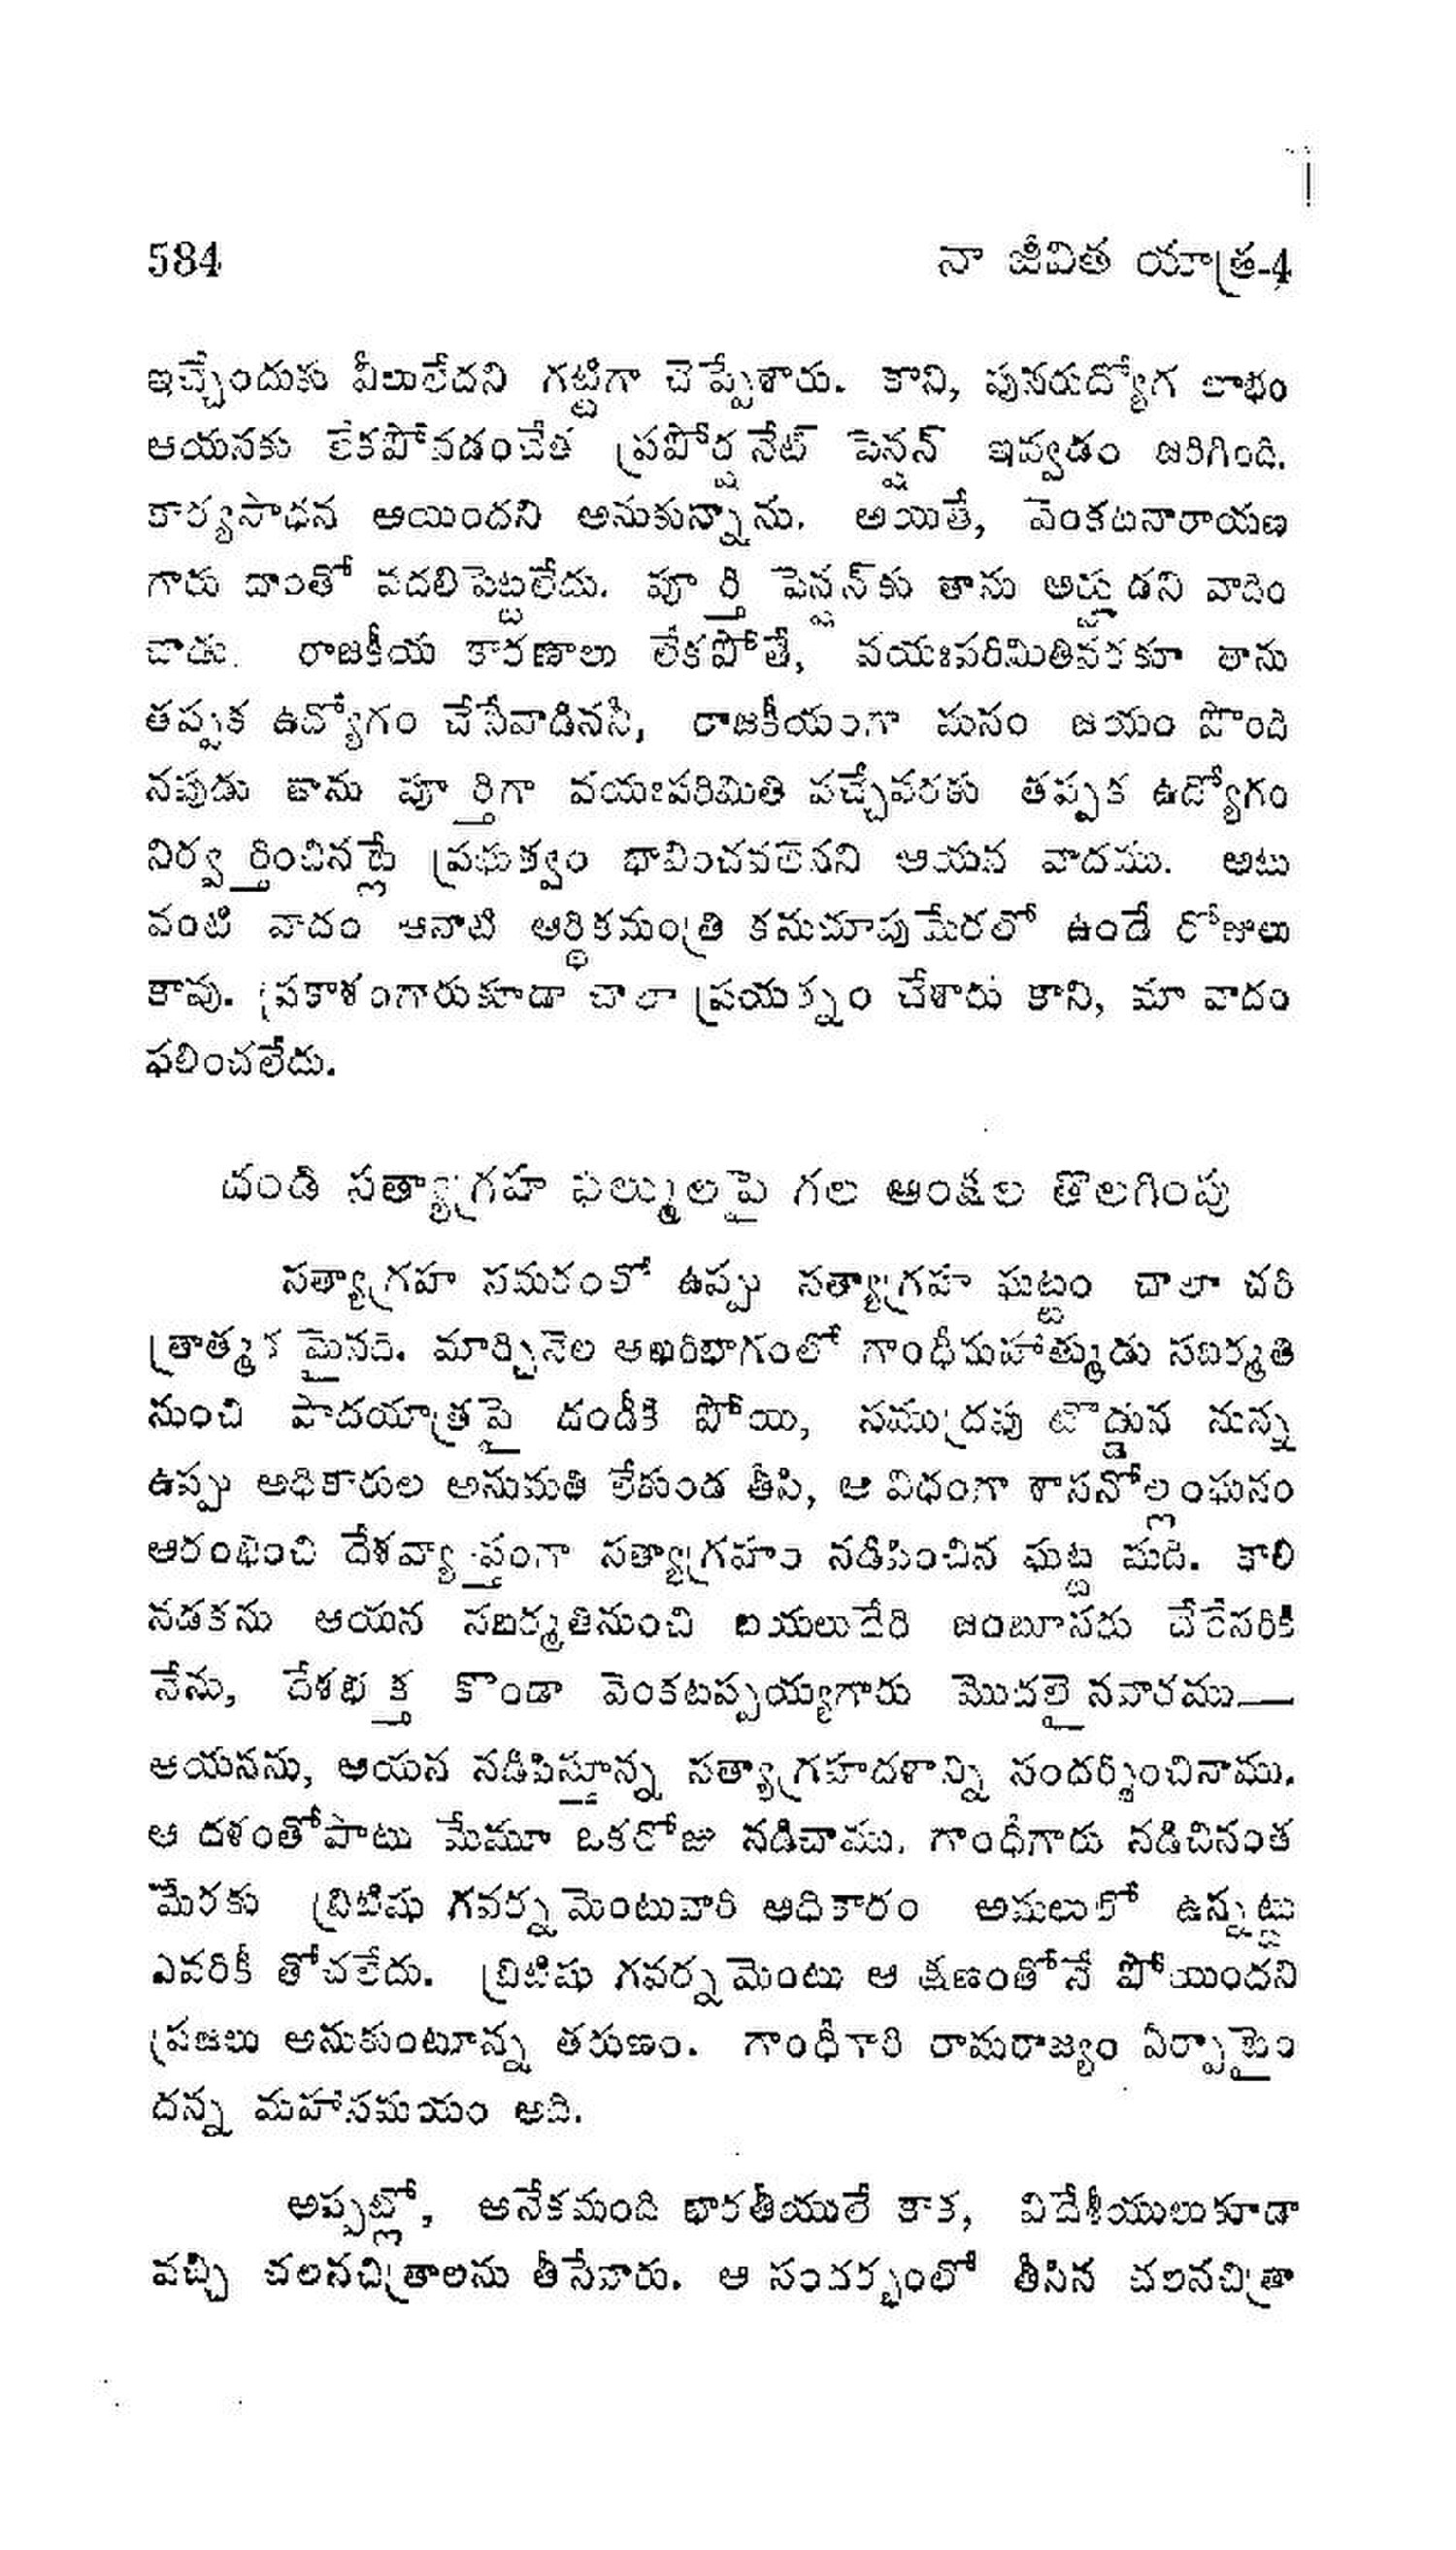ఇచ్చేందుకు వీలులేదని గట్టిగా చెప్పేశారు. కాని, పునరుద్యోగ లాభం ఆయనకు లేకపోవడంచేత ప్రపోర్షనేట్ పెన్షన్ ఇవ్వడం జరిగింది. కార్యసాధన అయిందని అనుకున్నాను. అయితే, వెంకటనారాయణగారు దాంతో వదలిపెట్టలేదు. పూర్తి పెన్షన్‌కు తాను అర్హుడని వాదించాడు. రాజకీయ కారణాలు లేకపోతే, వయ:పరిమితివరకూ తాను తప్పక ఉద్యోగం చేసేవాడిననీ, రాజకీయంగా మనం జయం పొందినపుడు తాను పూర్తిగా వయ:పరిమితి వచ్చేవరకు తప్పక ఉద్యోగం నిర్వర్తించినట్లే ప్రభుత్వం భావించవలెనని ఆయన వాదము. అటువంటి వాదం ఆనాటి ఆర్థికమంత్రి కనుచూపుమేరలో ఉండే రోజులు కావు. ప్రకాశంగారుకూడా చాలా ప్రయత్నం చేశారు కాని, మా వాదం ఫలించలేదు.

సత్యాగ్రహ సమరంలో ఉప్పు సత్యాగ్రహ ఘట్టం చాలా చరిత్రాత్మక మైనది. మార్చినెల ఆఖరిభాగంలో గాంధీమహాత్ముడు సబర్మతినుంచి పాదయాత్రపై దండీకి పోయి, సముద్రపు టొడ్డున నున్న ఉప్పు అధికారుల అనుమతి లేకుండ తీసి, ఆ విధంగా శాసనోల్లంఘనం ఆరంభించి దేశవ్యాప్తంగా సత్యాగ్రహం నడిపించిన ఘట్ట మది. కాలినడకను ఆయన సబర్మతినుంచి బయలుదేరి జంబూసరు చేరేసరికి నేను, దేశభక్త కొండా వెంకటప్పయ్యగారు మొదలైనవారము - ఆయనను, ఆయన నడిపిస్తూన్న సత్యాగ్రహదళాన్ని సందర్శించి నాము. ఆ దళంతోపాటు మేమూ ఒకరోజు నడిచాము. గాంధీగారు నడిచినంత మేరకు బ్రిటిషు గవర్నమెంటువారి అధికారం అమలులో ఉన్నట్టు ఎవరికీ తోచలేదు. బ్రిటిషు గవర్నమెంటు ఆ క్షణంతోనే పోయిందని ప్రజలు అనుకుంటూన్న తరుణం. గాంధీగారి రామరాజ్యం ఏర్పాటైందన్న మహాసమయం అది.

అప్పట్లో, అనేకమంది భారతీయులే కాక, విదేశీయులుకూడా వచ్చి చలనచిత్రాలను తీసేవారు. ఆ సందర్భంలో తీసిన చలనచిత్రా